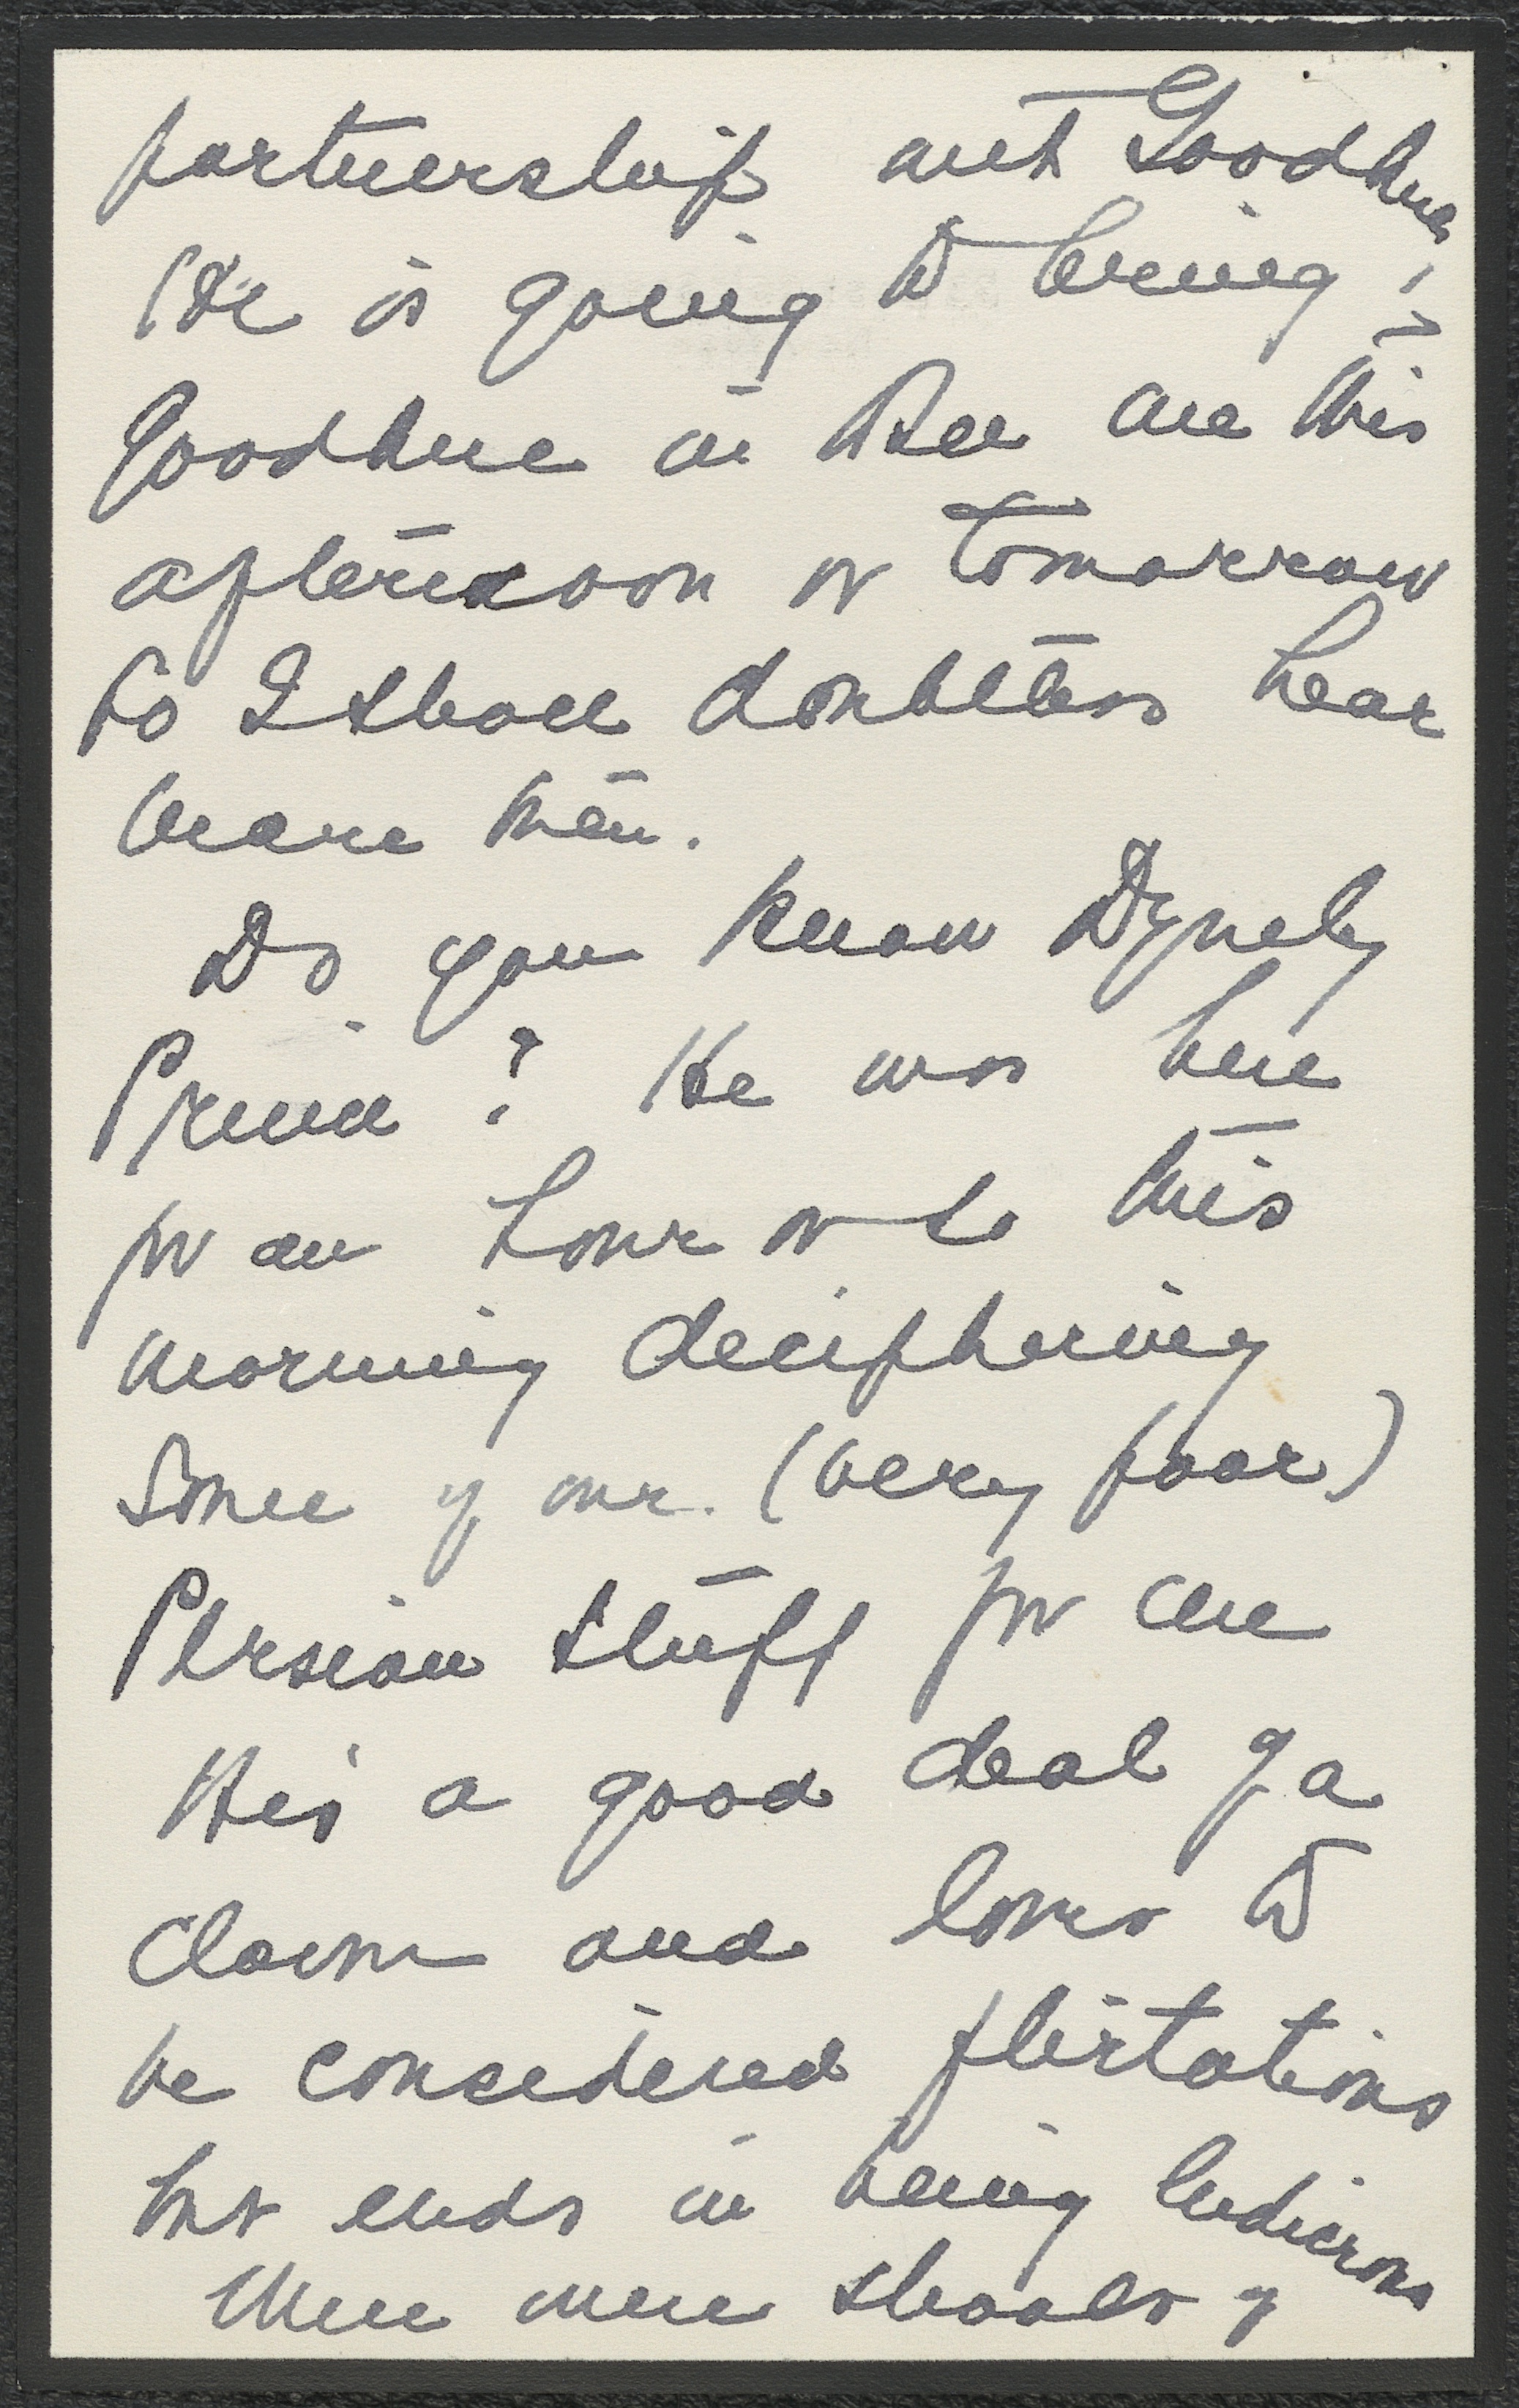partnership with Goodhue,
He is going to bring Goodhue in to see me this afternoon or tomorrow so I shall doubtless hear more then.
Do you know Dynely Prince? He was here for an hour or so this morning deciphering some of our (very poor) Persian stuff for me He’s a good deal of a clown and loves to be considered flirtatious but ends in being ludicrous
There were shoals of